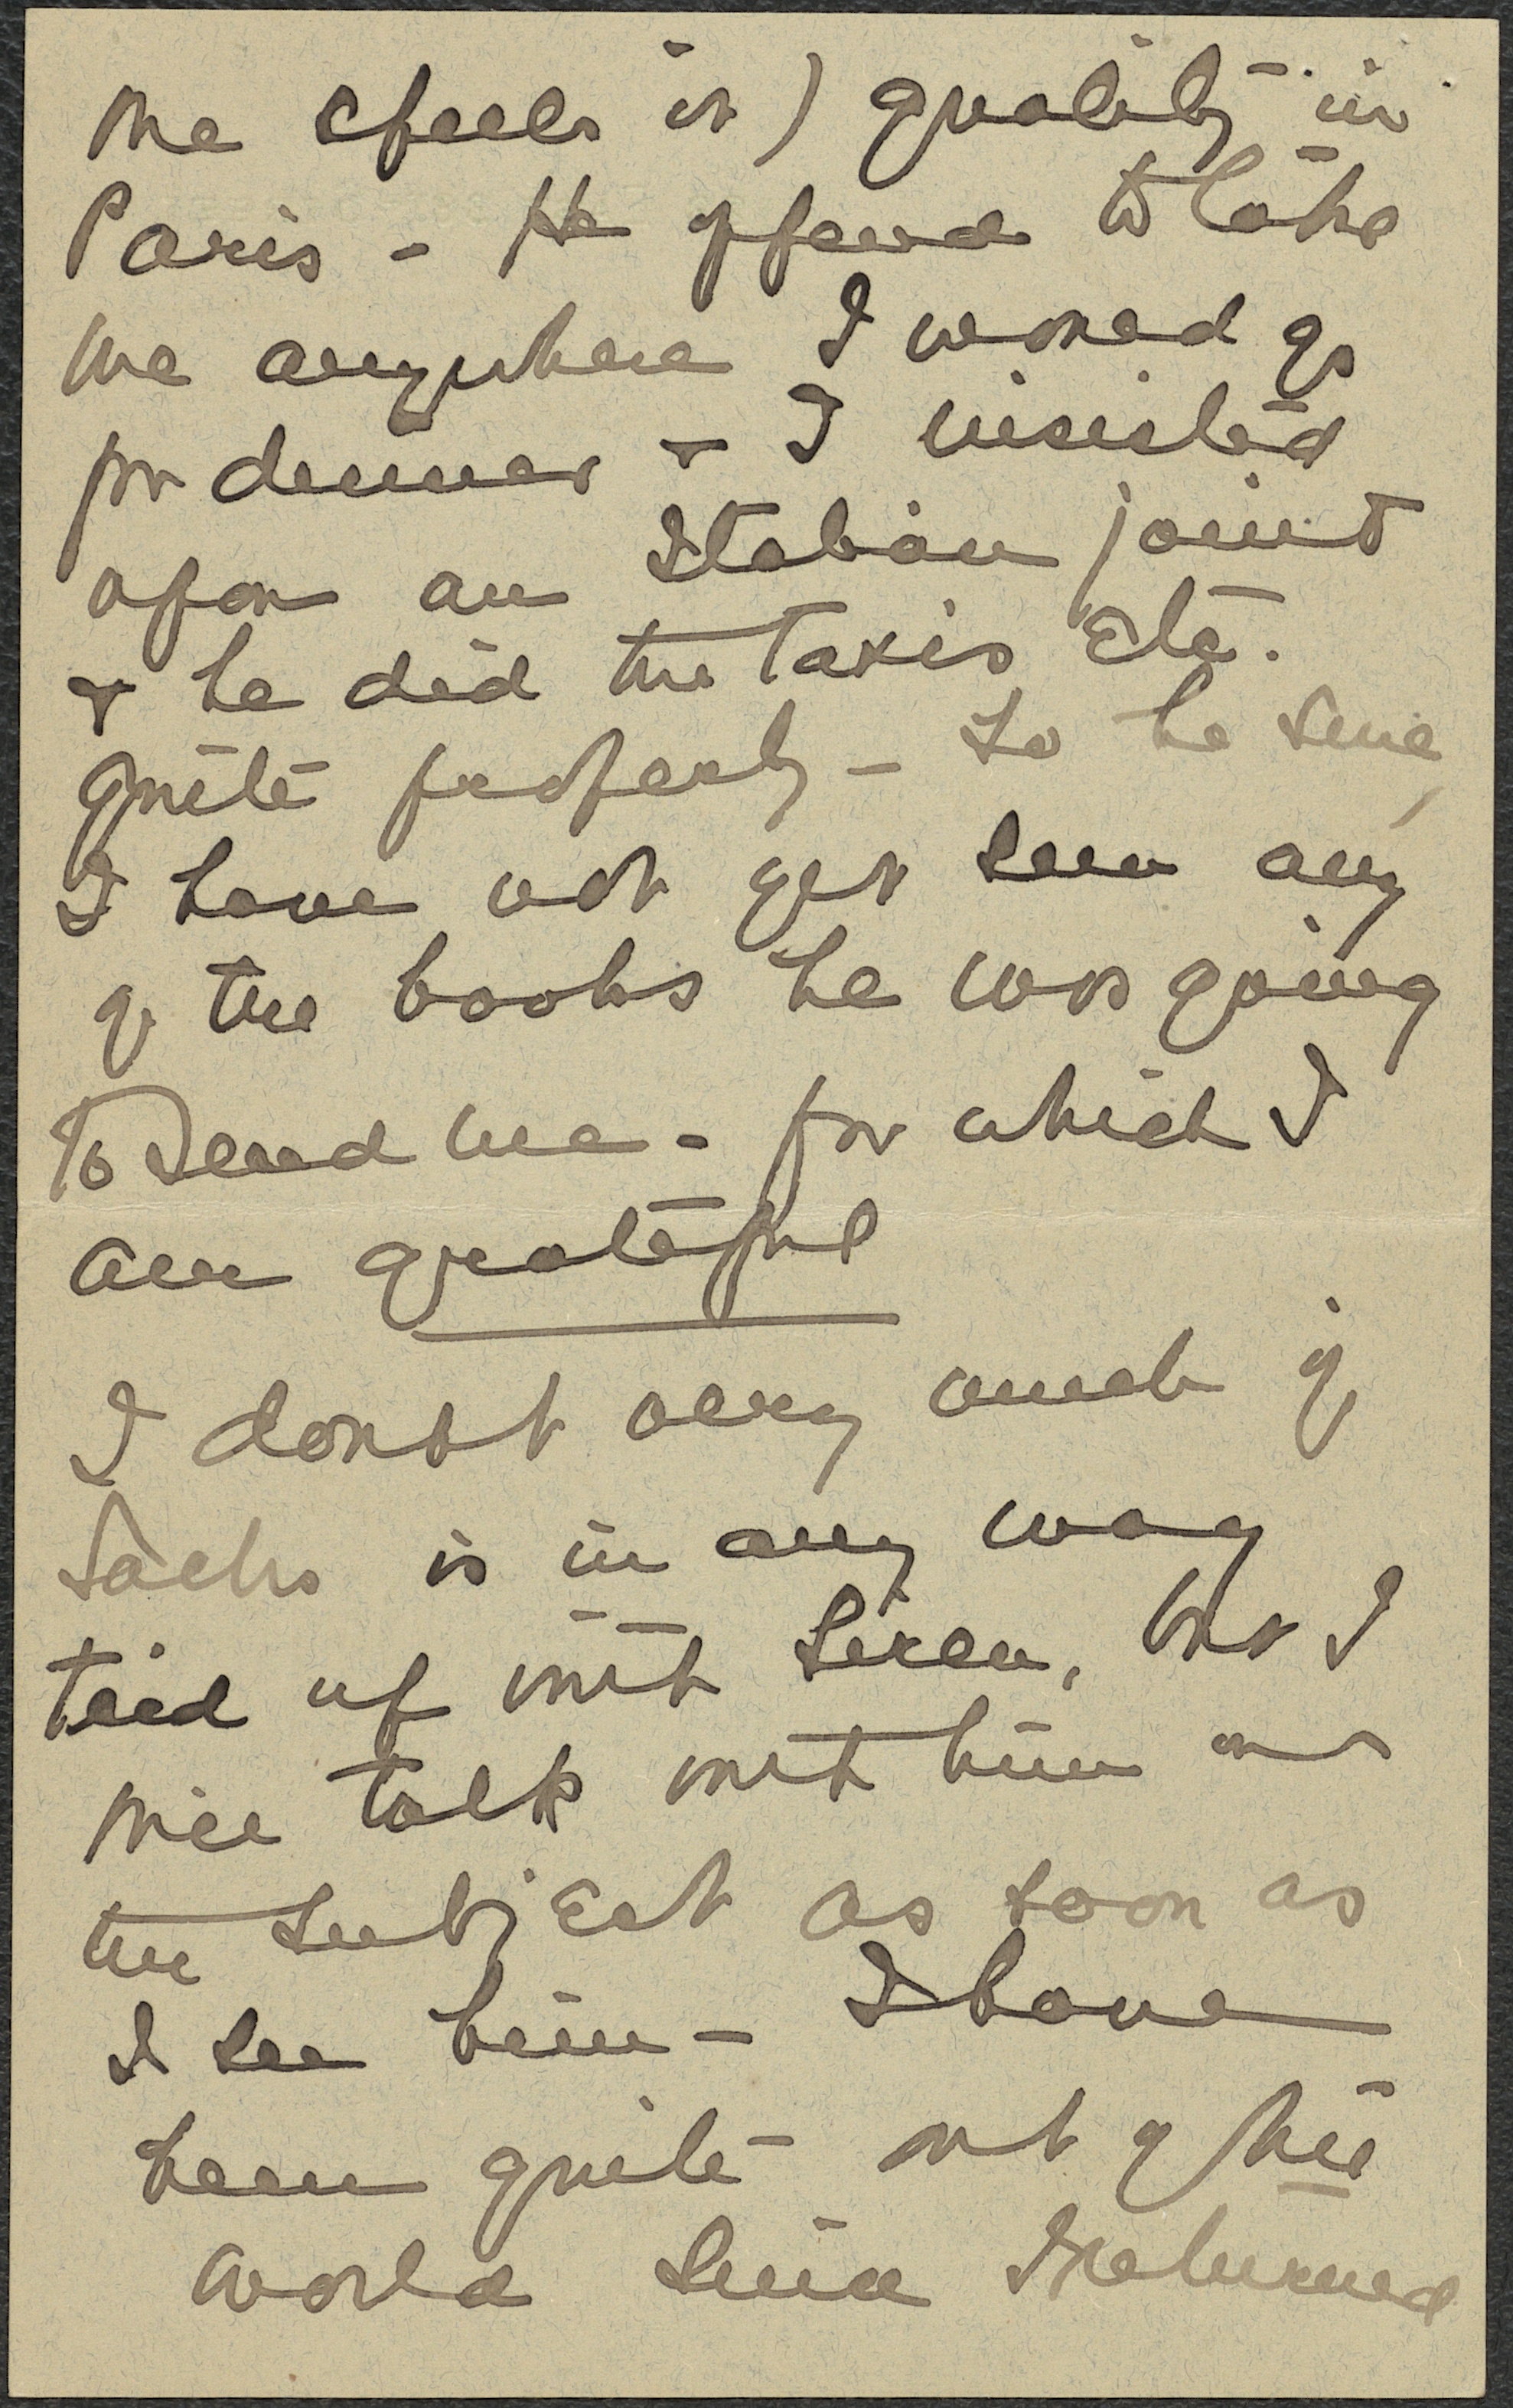one spells it) quality in Paris – He offered to take me anywhere I would go for dinner & I insisted upon an Italian joint & he did the taxis etc. quite properly – so be sure, I have not yet seen any of the books he was going to send me – for which I am grateful
I doubt very much if Sachs is in any way tied up with Siren, but I will talk with him on the subject as soon as I see him – I have been quite out of the world since I returned